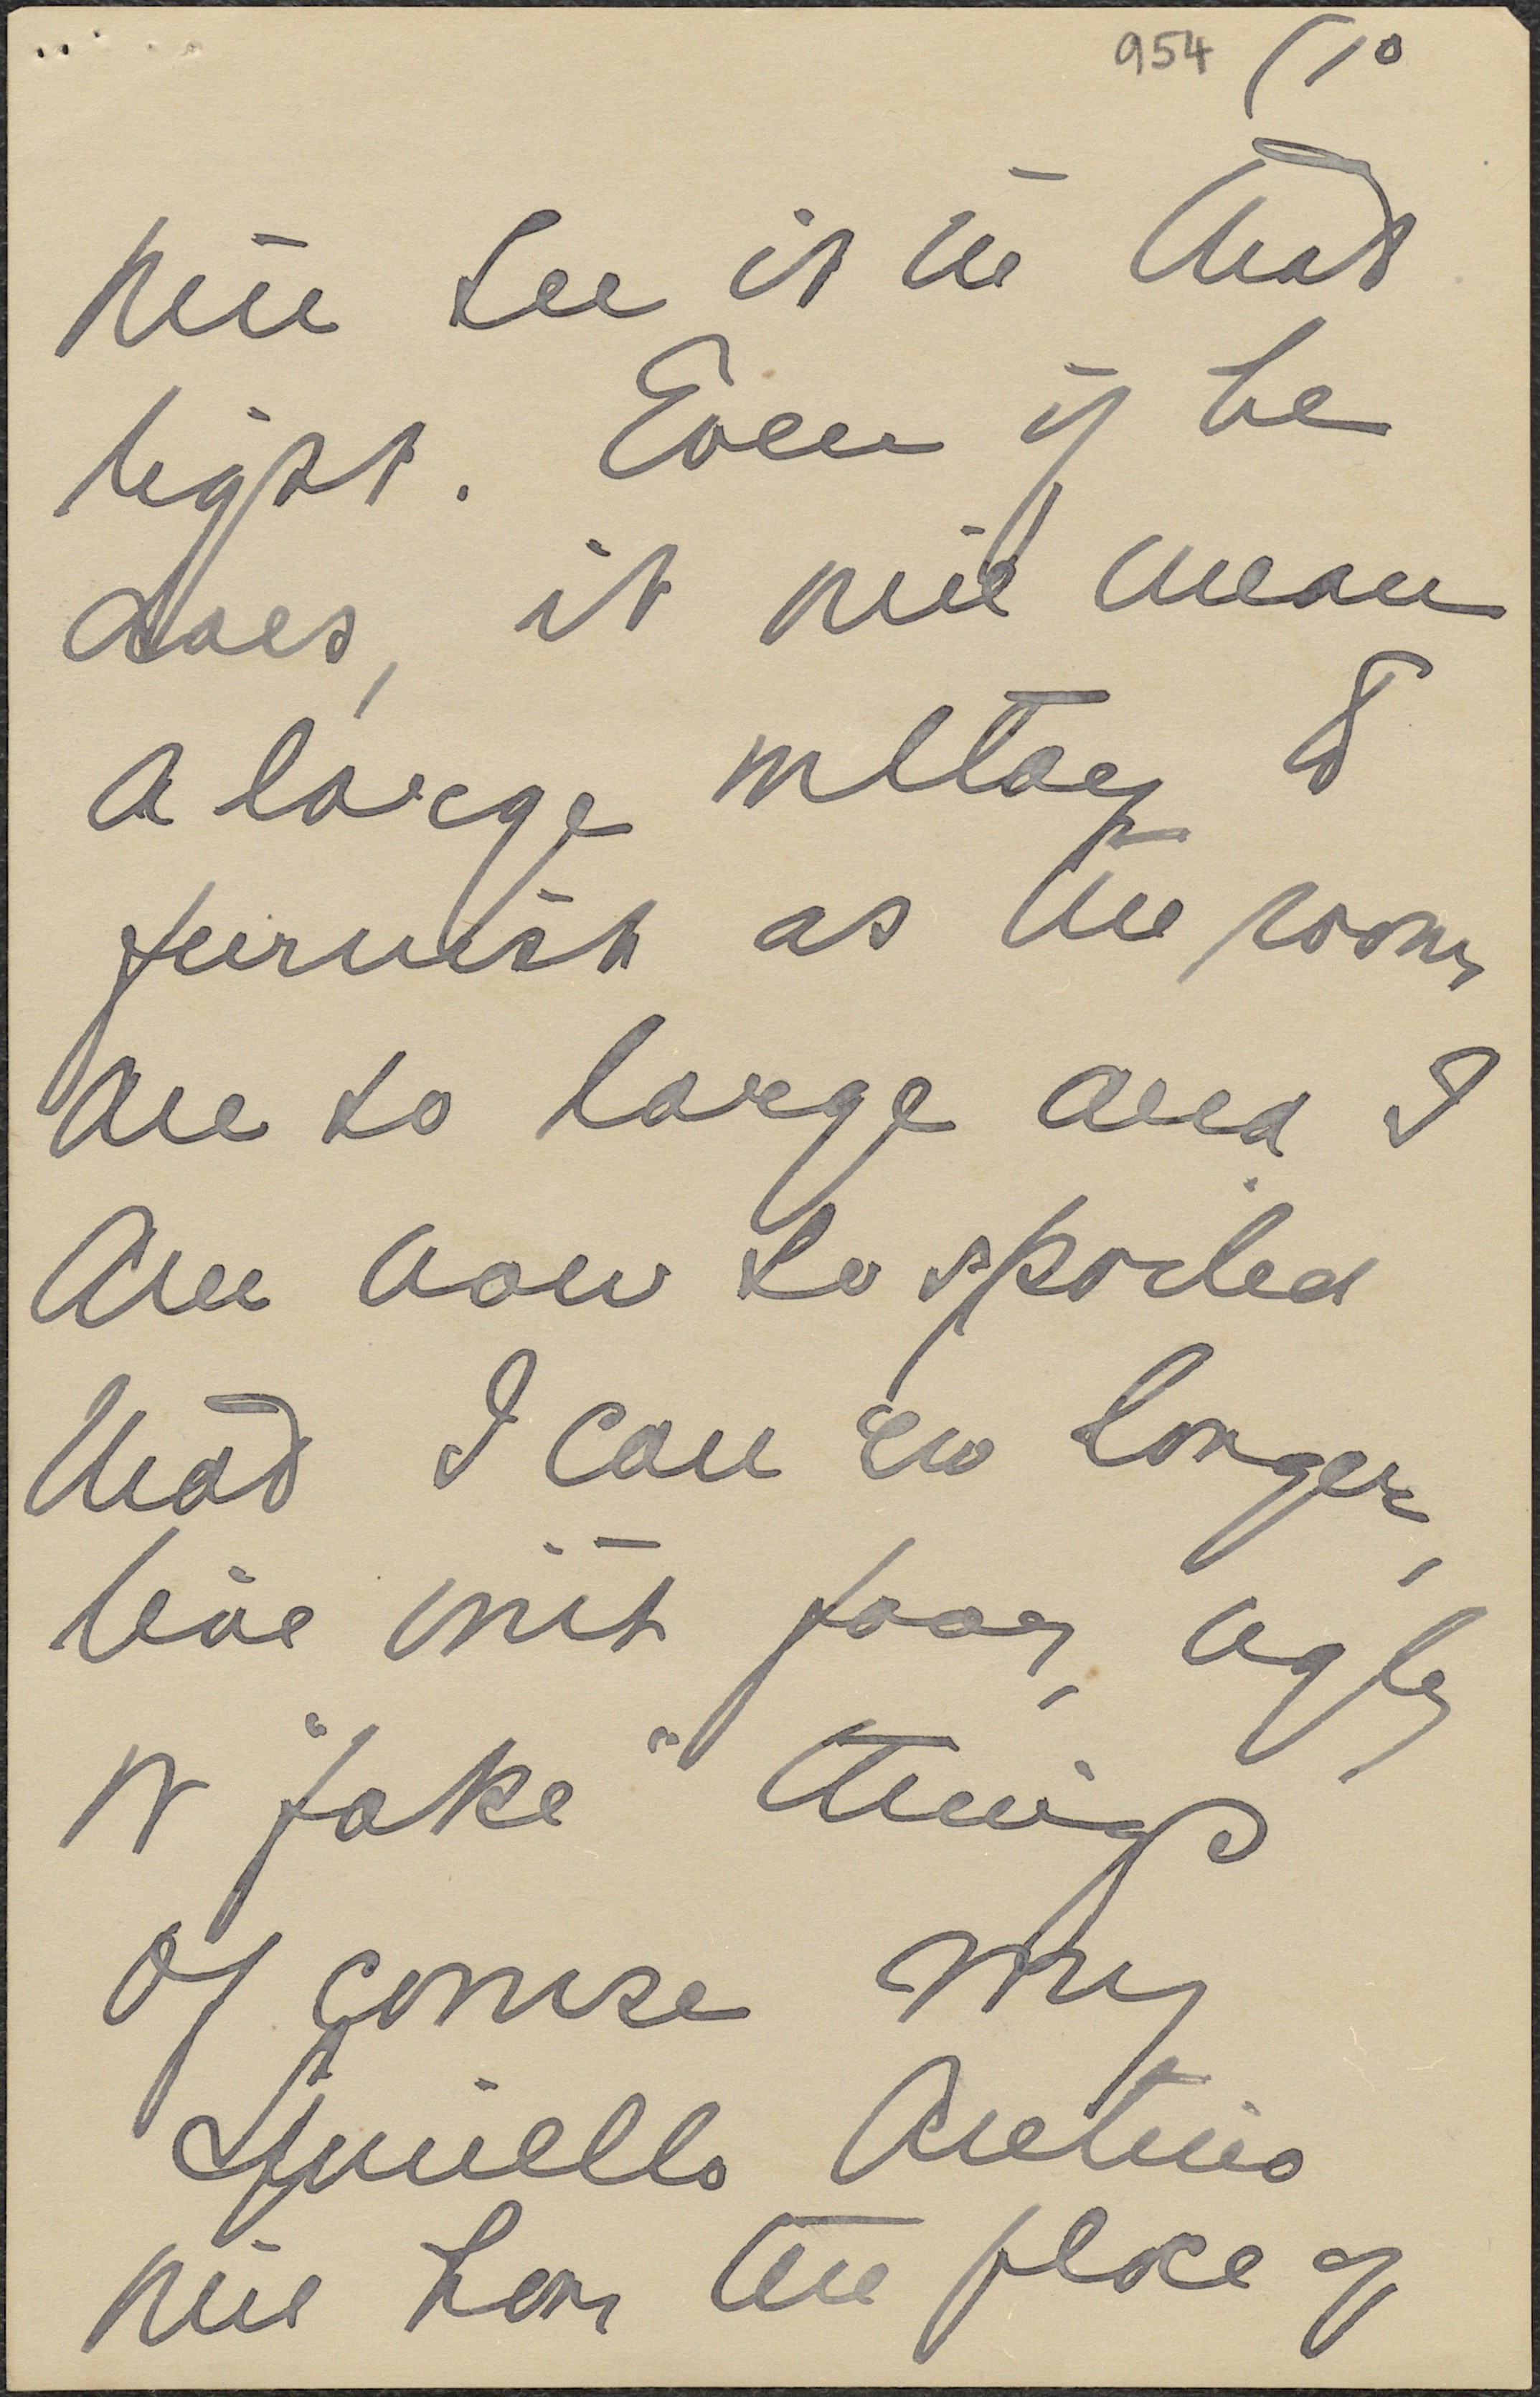(10
will see it in that light. Even if he does, it will mean a large outlay to furnish as the rooms are so large and I am now so spoiled that I can no longer live with poor, ugly or “fake” things
of course my Spinello Aretino will have the place of